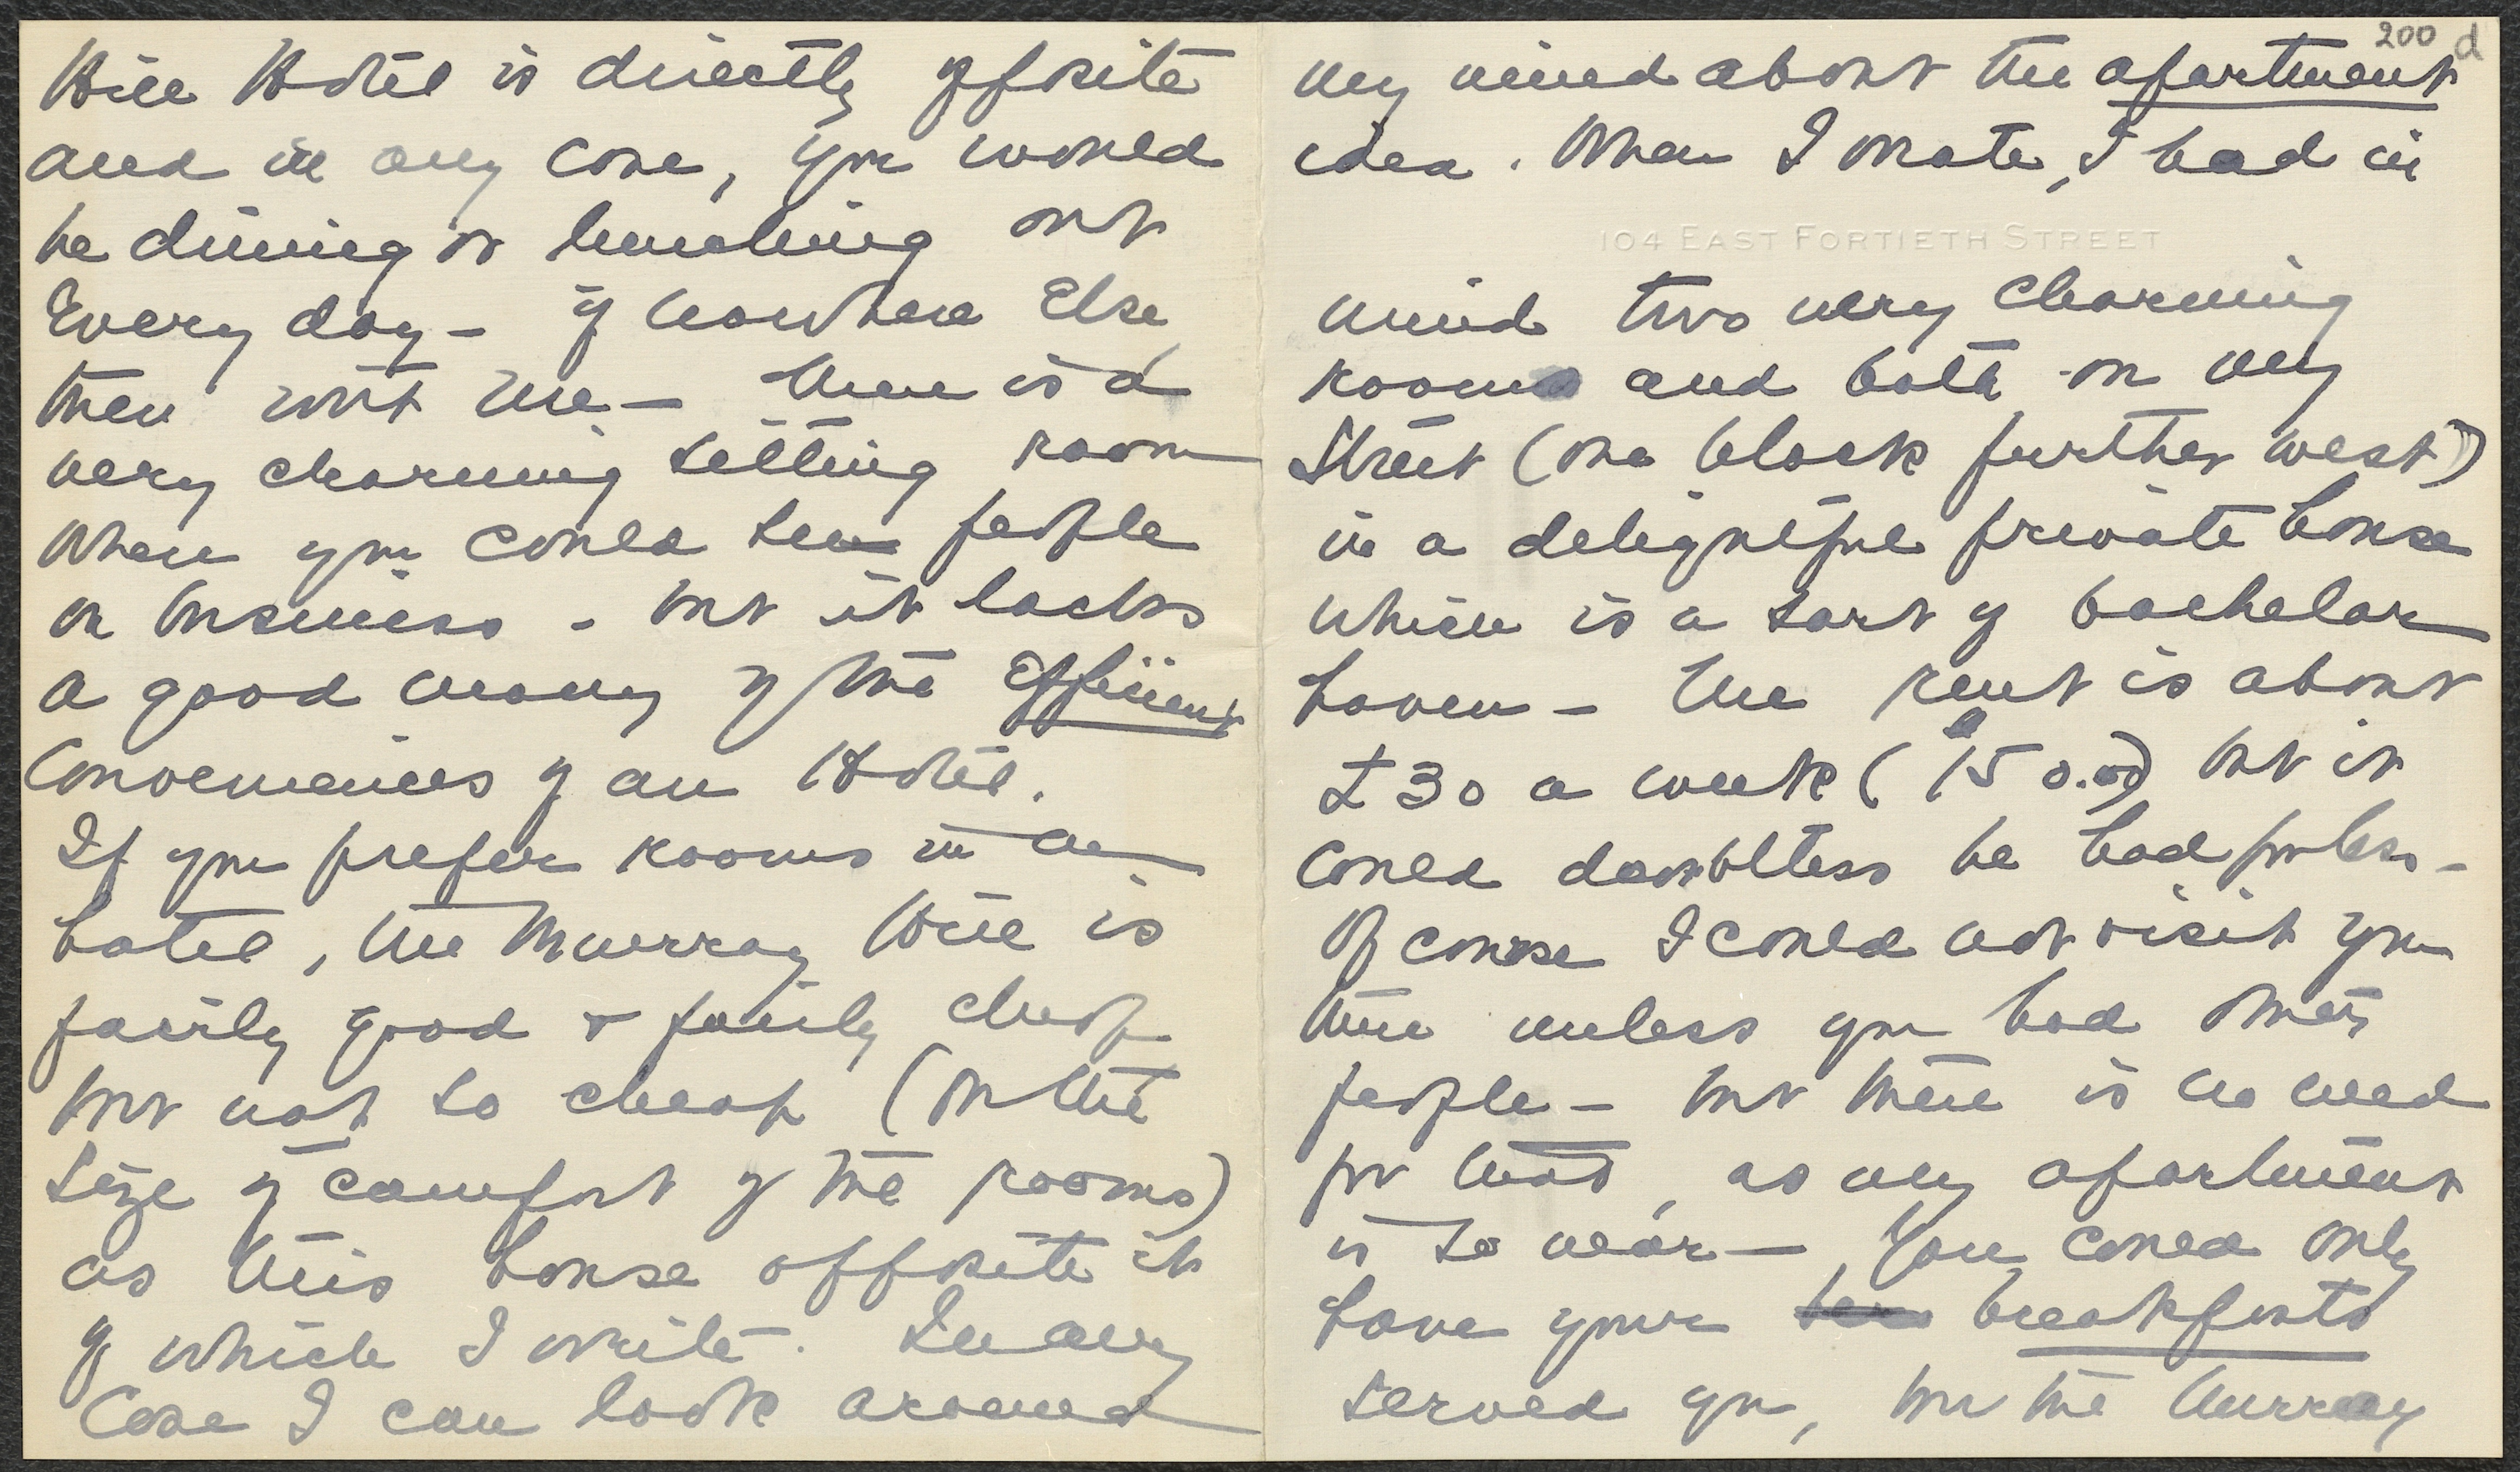my mind about the apartment idea. When I wrote, I had in mind two very charming rooms and both on my Street (one block further west) in a delightful private house which is a sort of bachelor haven – The rent is about £30 a week ($150.00) but it could doubtless be had for less – of course I could not visit you there unless you had other people – but there is no need for that, as my apartment is so near – You could only have your ber breakfast served you, but the Murray
Hill Hotel is directly opposite and in any case, you would be dining or lunching out every day – if nowhere else then with me – There is a very charming sitting room where you could see people on business – but it lacks a good many of the efficient conveniences of an Hotel.
If you prefer rooms in an hotel, the Murray Hill is fairly good & fairly cheap but not so cheap
(for the size of [sic] comfort of the rooms) as this house opposite it of which I write. In any case I can look around